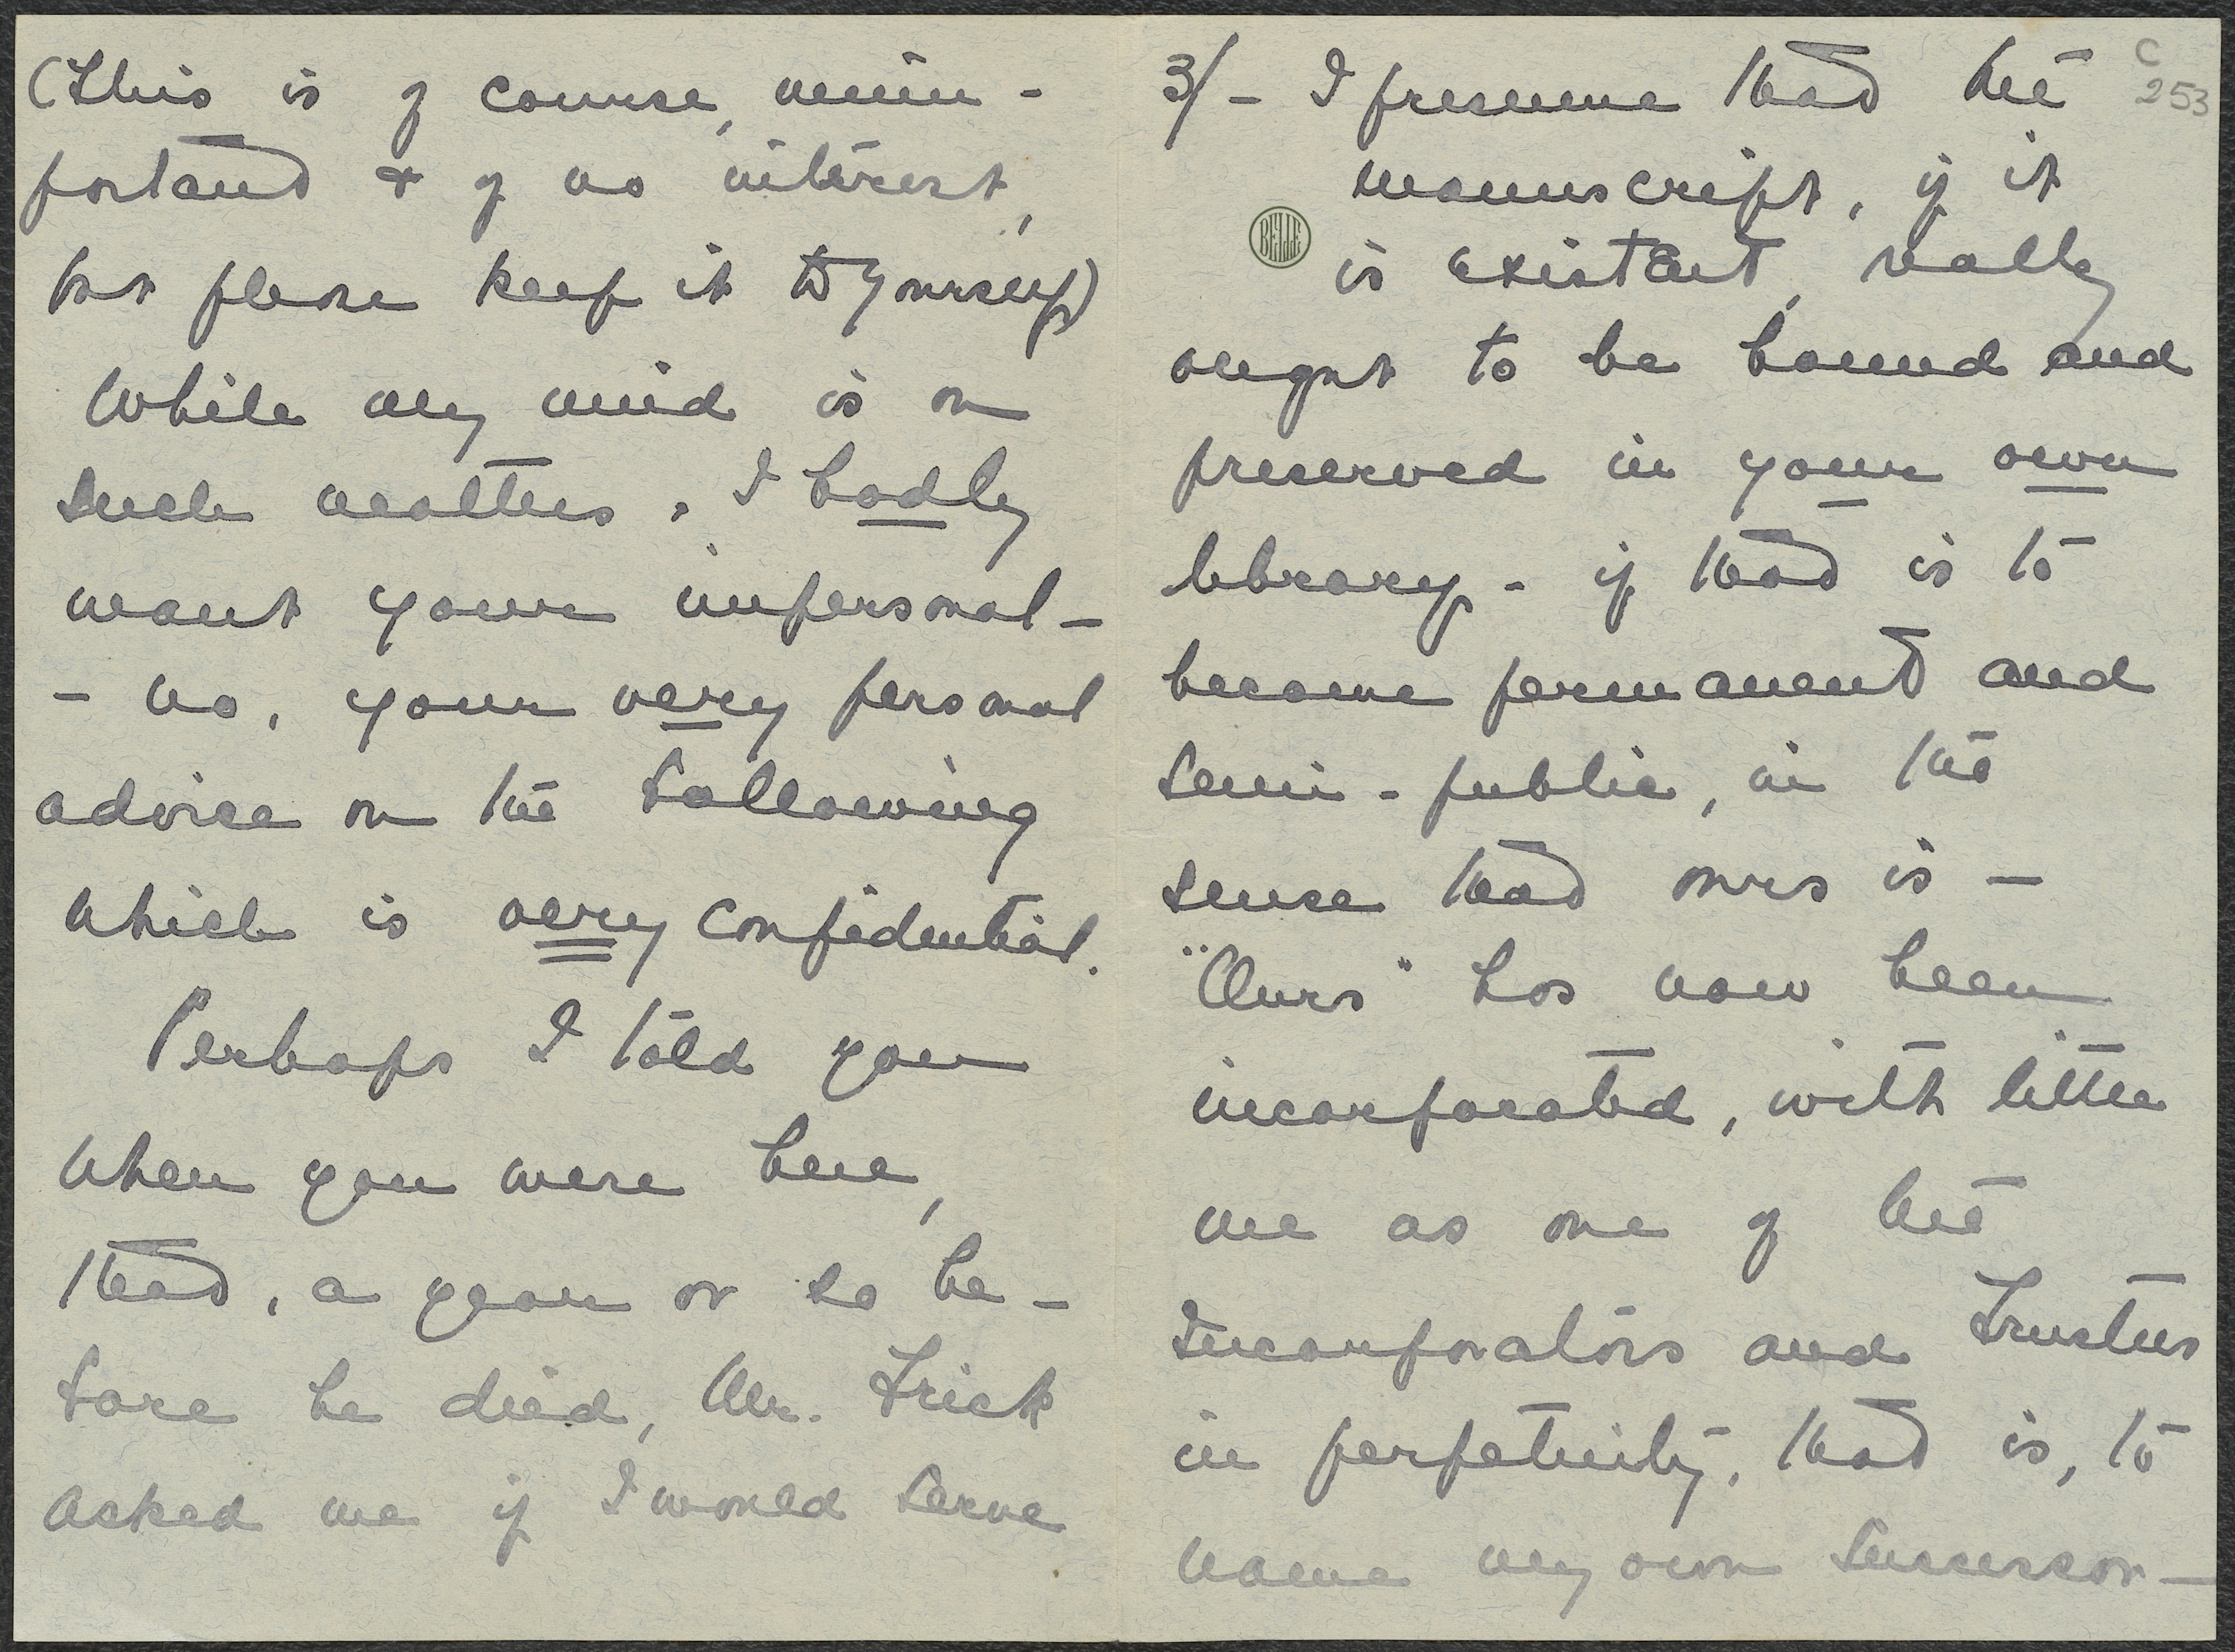3/ – I presume that the manuscript, if it is existent, really ought to be bound and preserved in your own library – if that is to become permanent and semi-public, in the sense that ours is – “Ours” has now been incorporated, with little me as one of the Incorporators and Trustees in perpetuity, that is, to name my own successor –
(This is of course unimportant & of no interest, but please keep it to yourself)
While my mind is on such matters, I badly want your impersonal – – no, your very personal advice on the following which is [double underlined: very] confidential.
Perhaps I told you when you were here, that, a year or so before he died, Mr. Frick asked me if I would serve